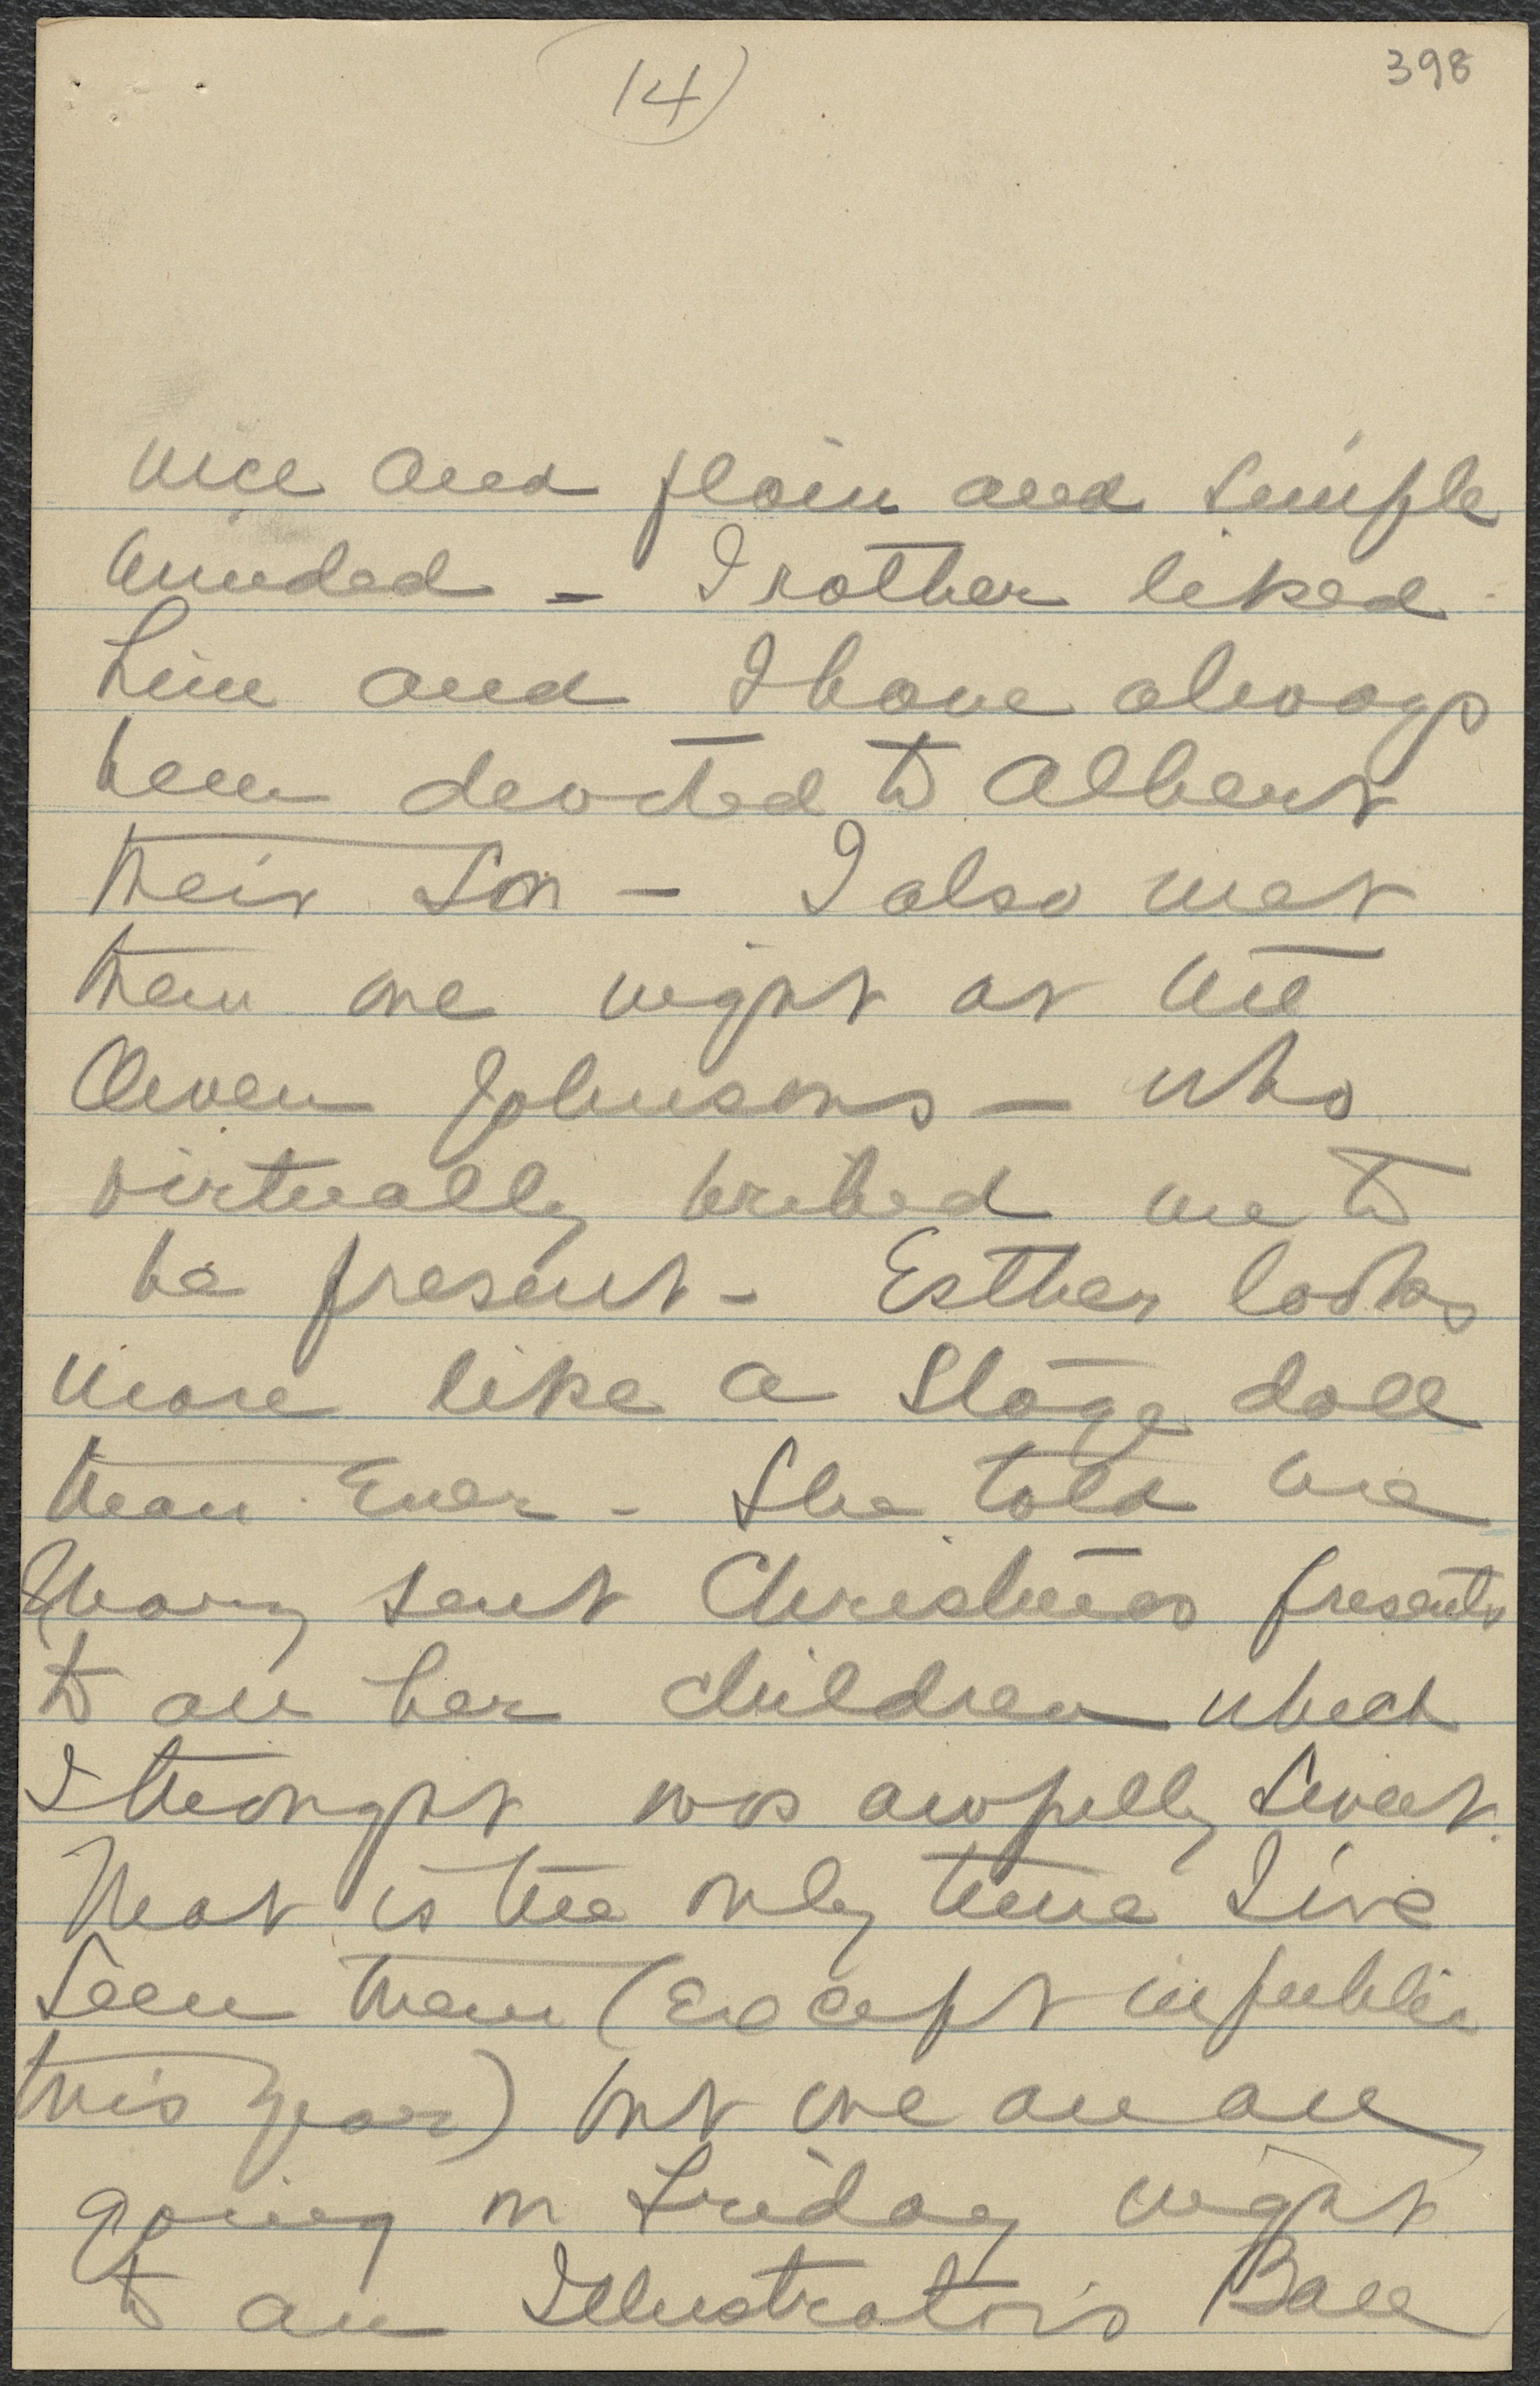nice and plain and simple minded – I rather liked him and I have always been devoted to Albert their son – I also met them one night at the Owen Johnsons – who virtually bribed me to be present – Esther looks more like a stage doll than ever – She told me Mary sent Christmas presents to all her children which I thought was awfully sweet. That is the only time I’ve seen them (except in public this year) but we are all going on Friday night to an Illustrator’s Ball